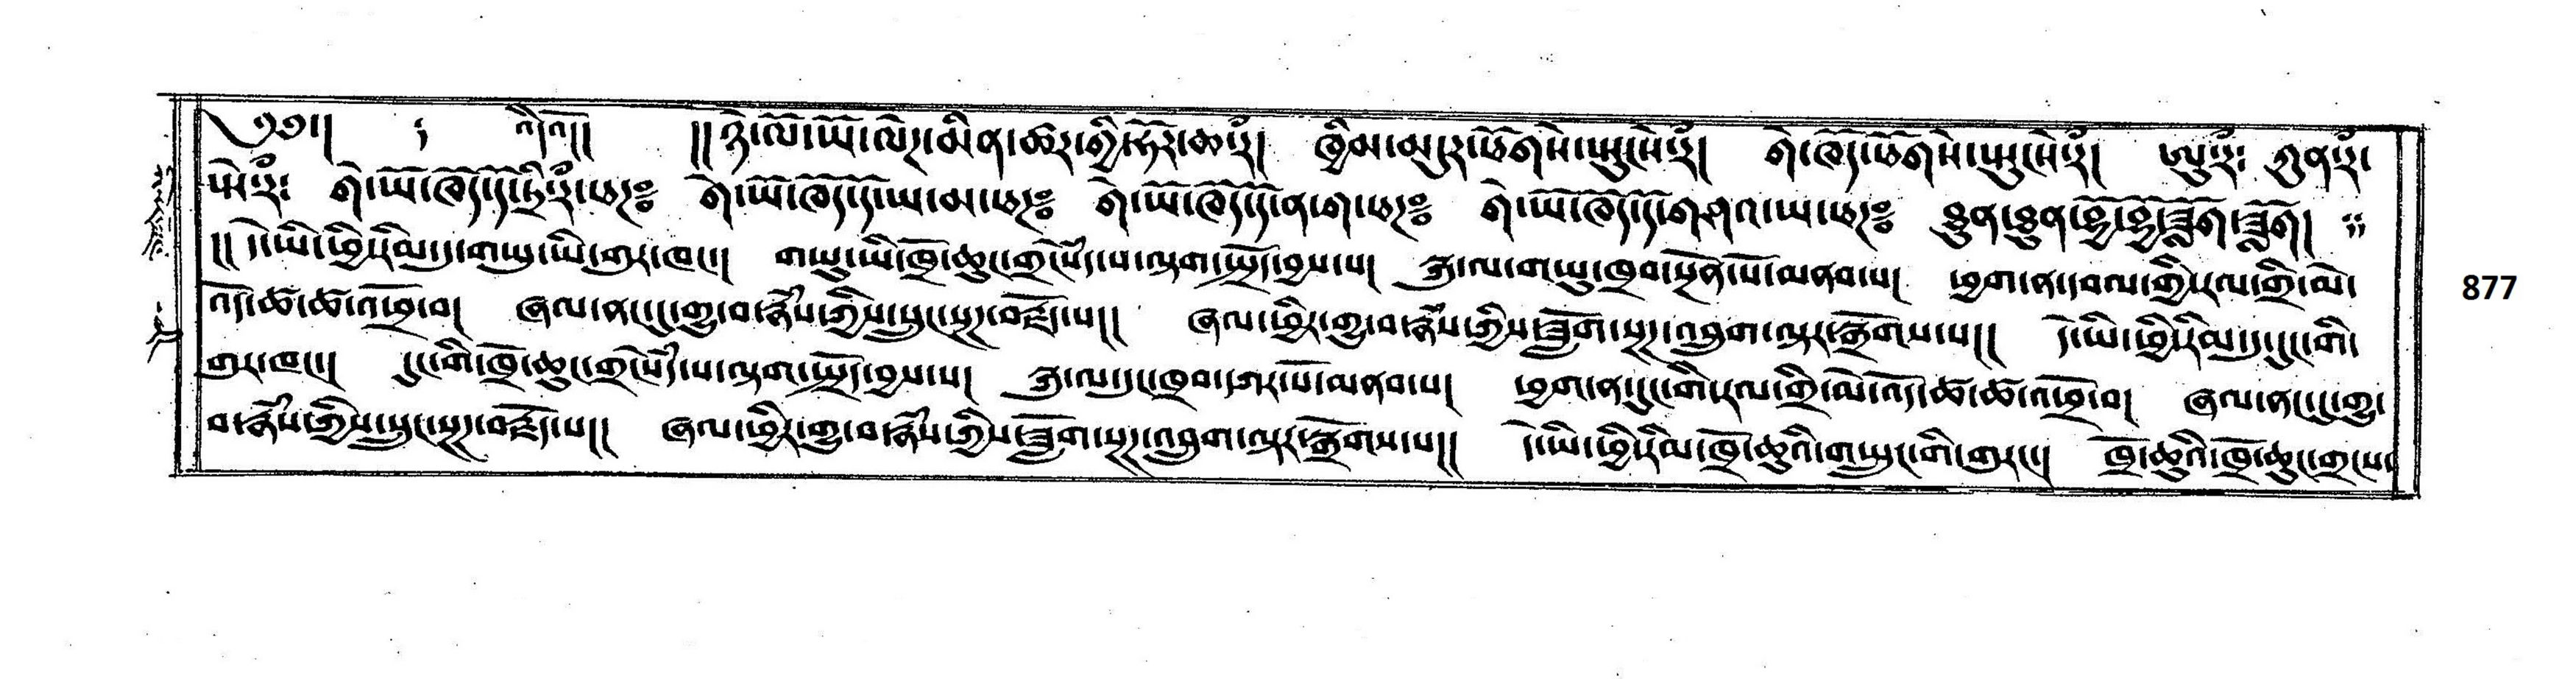འདིའོ།། །།ཉེ་ལོ་ཡོ་ལེགས་མིན་ཚར་གྱི་ཧོར་ཆ་རཾ། ཁྱིམ་མདུར་ཕོགསེ་སྤུངསེ་རཾ། གེ་ཁོད་ཕོགསེ་སྤུངསེ་རཾ། ཨུ་རཾ༴ ཀུན་རཾ་
སྤེ་རཾ༴ གེ་ཡོ་ཁོད་དོ་ཏྲི་རཾ་ཕཊ༔ གེ་ཡོ་ཁོད་དོ་ཡ་མ་ཕཊ༔ གེ་ཡོ་ཁོད་དོ་ན་ག་ཕཊ༔ གེ་ཡོ་ཁོད་དོ་གཤའ་ཡ་ཕཊ༔ ཐུན་ཐུན་བྷྱོ་བྷྱོ་ཟློག་ཟློག 
།།དེ་ཡི་ཕྱི་རིམ་དུ་གཡུ་ཡི་གུར་ཁང་། གཡུ་ཡི་ཁྲོ་ཆུང་གྲངས་མེད་པ་ལྟག་སྤྲོད་བྱས་པ། སྐུ་ལ་གཡུ་ཁྲབ་སྔོན་པོ་མནབ་པ། ཕྱག་ན་དབལ་གྱི་རལ་གྲི་མེ་
འོད་ཚ་ཚ་འཕྲོ་བ། ཞལ་ནང་དུ་གྱུ་བ་རྣམས་ཀྱིས་སྲུང་སྔགས་བརྗོད་པ།། ཞལ་ཕྱིར་གྱུ་བ་རྣམས་ཀྱིས་ཟློག་སྔགས་འབྲུག་ལྟར་སྒྲོགས་པ།། དེ་ཡི་ཕྱི་རིམ་དུ་དུང་གི་
གུར་ཁང་། དུང་གི་ཁྲོ་ཆུང་གྲངས་མེད་པ་ལྟག་སྤྲོད་བྱས་པ། སྐུ་ལ་དུང་ཁྲབ་དཀར་པོ་མནབ་པ། ཕྱག་ན་དུང་གི་རལ་གྲི་མེ་འོད་ཚ་ཚ་འཕྲོ་བ། ཞལ་ནང་དུ་གྱུ་
བ་རྣམས་ཀྱིས་སྲུང་སྔགས་བརྗོད་པ།། ཞལ་ཕྱིར་གྱུ་བ་རྣམས་ཀྱིས་ཟློག་སྔགས་འབྲུག་ལྟར་སྒྲོགས་པ།། དེ་ཡི་ཕྱི་རིམ་ཁྲོ་ཆུའི་གཡུང་དྲུང་གི་གུར་ཁང་། ཁྲོ་ཆུའི་ཁྲོ་ཆུང་གྲངས་